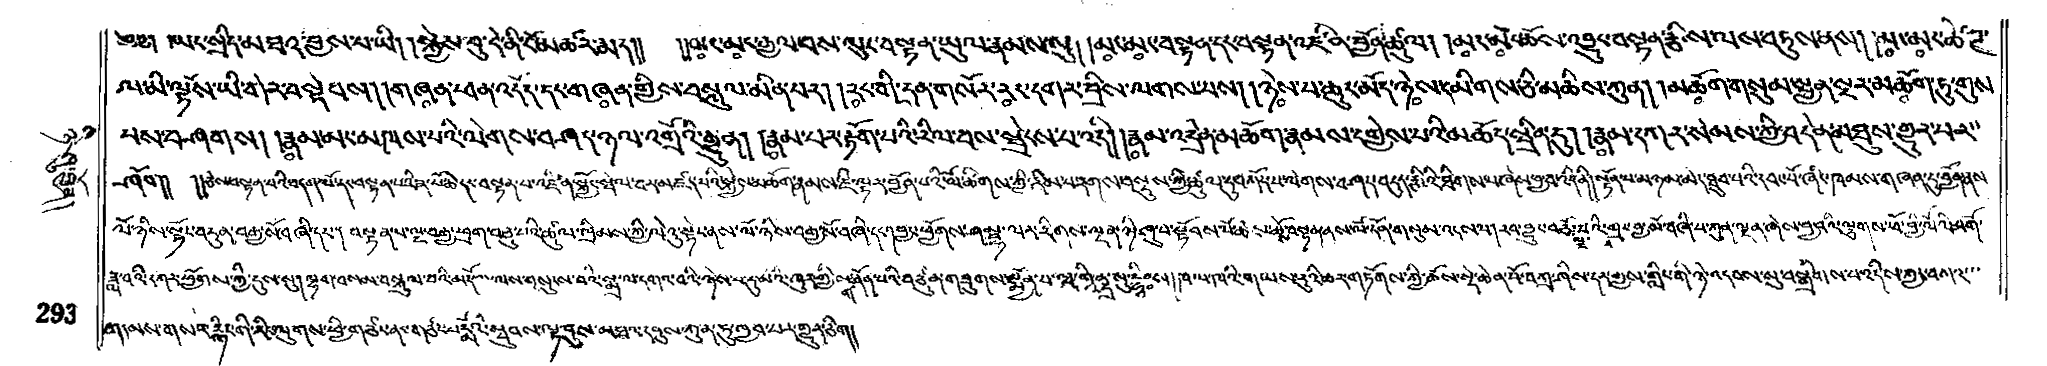༄༅། །ཡང་སྲིད་མཐའ་བྱས་པ་ཡི། །སྐྱེས་བུ་དེ་ནི་ངོ་མཚར་མད།། །།ཡང་མང་རྒྱལ་བས་ལུང་བསྟན་ཡུལ་རྣམས་སུ། །མང་མང་བསྟན་དང་བསྟན་འཛིན་བྱོན་ཚུལ། །མང་མེང་ཆོས་འབྱུང་བསྟན་རྩིས་ལས་བཏུས་ནས། །མང་མང་ཚེགས་
ལ་མི་ལྟོས་ཡི་གེར་བསྡེབས། །གཞན་ཕན་འདོད་དང་གཞན་གྱིས་བསྐུལ་མིན་པར། །རང་གི་དྲན་གསོར་རང་དགར་བྲིས་ལགས་པས། །ཉེས་པ་ཆུང་མོད་ཉེས་དམིགས་ཅི་མཆིས་ཀུན། །མཆོག་གསུམ་སྤྱན་སྔར་མཆོག་ཏུ་གུས་
པས་བཤགས། །རྣམ་མང་མཁས་པའི་ལེགས་བཤད་ཉལ་འགྲོའི་རྒྱུན། །རྣམ་པར་རྟོག་པའི་རིལ་བས་སྦྲེངས་པ་འདི། །རྣམ་འདྲེན་མཆོག་རྣམས་དགྱེས་པའི་མཆོད་སྤྲིན་དུ། །རྣམ་དཀར་སེམས་ཀྱི་བདེན་མཐུས་གྱུར་པར་
ཤོག།། །།ཅེས་བསྟན་པའི་བདག་ལོ་དང་བསྟན་པའི་ན་པོ་ཆེ་དང་བསྟན་པ་འཛིན་སྐྱོང་སྤེལ་བར་མཛད་པའི་སྐྱེས་མཆོག་རྣམས་ཇི་ལྟར་བྱོན་པའི་ལོ་ཚིགས་ཀྱི་རིམ་པ་རགས་བསྡུས་ཀྱི་ཚུལ་དུ་བཀོད་པ་ལེགས་བཤད་བདུད་རྩིའི་ཐིགས་པ་ཞེས་བྱ་བ་འདི་ནི། སྟོན་པ་མཉམ་མེད་ཐུབ་པའི་དབང་བོ་ཞིང་ཁམས་གཞན་དུ་བྱོན་ནས་
ལོ་ཉིས་སྟོང་བདུན་བརྒྱ་སོ་བཞི་དང་། བསྟན་པ་ལྔ་བརྒྱ་ཕྲག་བཅུ་པའི་ཚུལ་ཁྲིམས་ཀྱི་ལེའུ་སྟེང་ནས་ལོ་ཉིས་བརྒྱ་སོ་བཞི་དང་། བྱང་ཕྱོགས་ཤམྦྷ་ལར་རིགས་ལྡན་ཉི་ཤུ་པ་སྟོབས་པོ་ཆེས་ཆོས་བསྟན་ནས་ལོ་དོན་གསུམ་འདས་པ། རབ་བྱུང་བཅོ་ལྔ་པའི་གྲང་བྱ་སོ་བཞི་པ་ཀུན་ལྡན་ཞེས་བྱ་བའི་ལྕགས་ཕོ་བྱི་ལོ་ལི་མགོ་
ཟླ་བའི་དཀར་ཕྱོགས་ཀྱི་དུས་སུ། ལྷག་བསམ་བསྐུལ་བའི་མདོ་ལ་ལས་གསུངས་པའི་སྨྲ་ལ་དགའ་བའི་ཉེས་པ་དུ་མའི་ཁུར་གྱིས་གནོན་པའི་བཙུན་གཟུགས་སྨྱོན་པ་ཝ་གཱིནྡྲ་སུ་དྷཱིཿ ས། ཁལ་ཁའི་གཡས་རུའི་ཆར་གཏོགས་ཀྱི་ཆོས་སྡེ་ཆེན་པོ་བཀྲ་ཤིས་དར་རྒྱས་གླིང་གི་ཉེ་འདབས་སུ་བསྒྲིགས་པ་འདིས་ཀྱང་བཀའ་
གཡས་གསར་རྙིང་གི་རི་ལུགས་ཕྱི་གཙང་ནང་གཙང་པདམོའི་སྤུབས་ལྟ་བུས་མཐའ་དབུས་ཀུན་ཏུ་ཁྱབ་པར་གྱུར་ཅིག།།